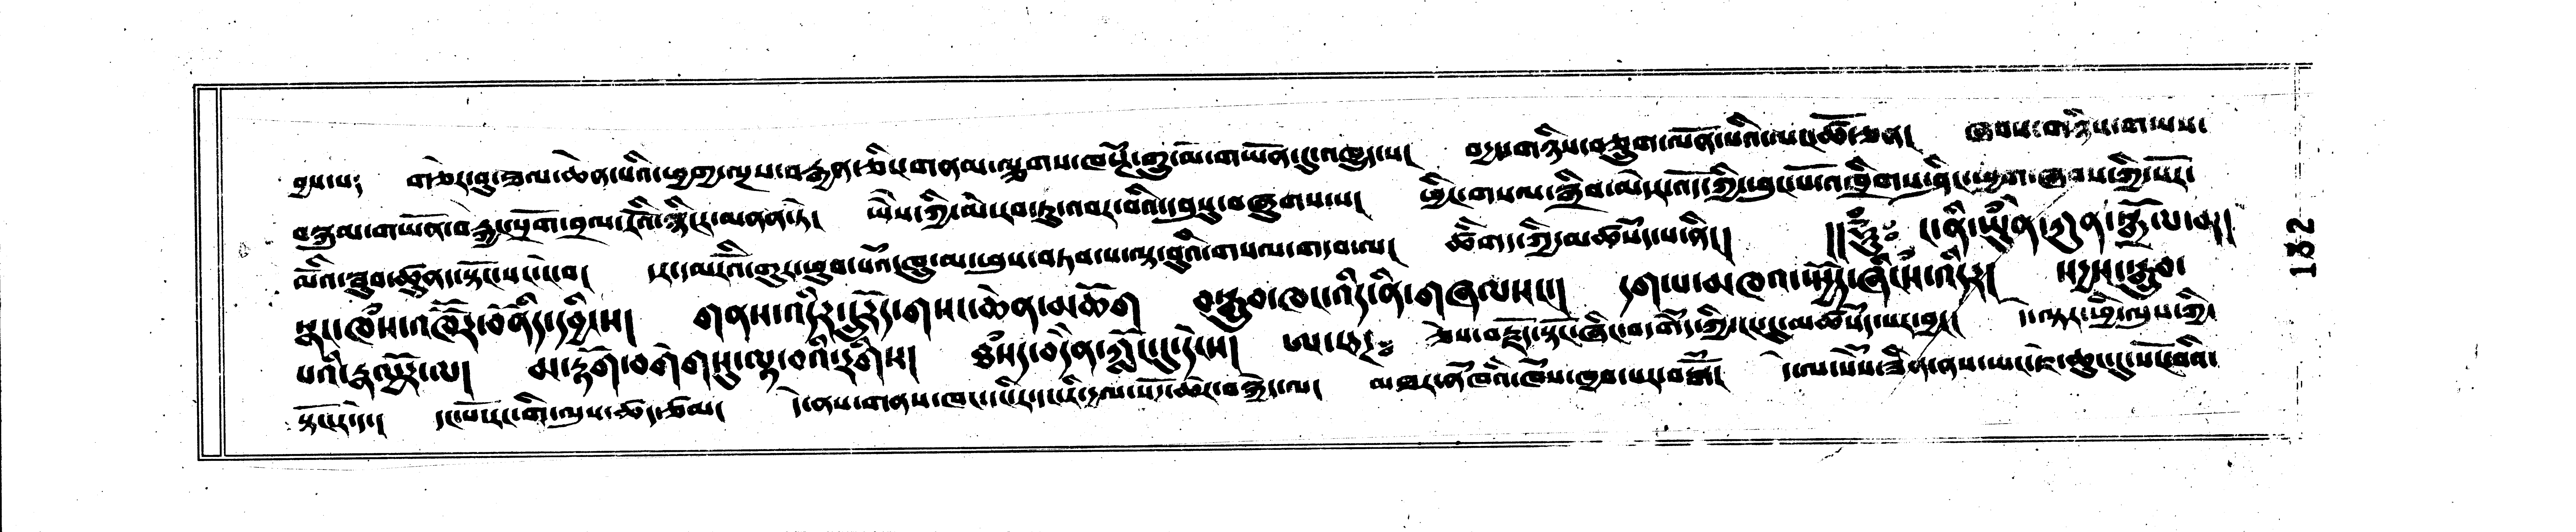བྱས་པ། གཅེར་བུ་ཐལ་ཆེན་པའི་ཕྱག་རྒྱ་ལྔས་བརྒྱན་ཅིང་གནམ་ལྕགས་ཁ་ཊཾ་གྲུ་མོ་གཡོན་དུ་འཁྱུད་པ། བརྒྱད་གཉིས་བཅུ་དྲུག་ལོན་པའི་ལང་ཚོ་ཅན། ཞབས་གཉིས་གཡས་
བསྐུམ་གཡོན་བརྐྱང་སྲོག་བྲལ་རོ་ཡི་སྙིང་ཁར་མནན་ཏེ། ཡེ་ཤེས་ཀྱི་མེ་རབ་ཏུ་འབར་བའི་དབུས་སུ་བཞུགས་པ། ཕྱི་ནང་གསལ་སྒྲིབ་མེད་པར་འོད་ཀྱི་ཕུང་པོ་འཁྲིགས་ཤིང་ཕྱག་ཞབས་ཀྱི་སོར་
མོའི་སྦུབས་ཚུན་ཆད་སྟོང་སང་ངེ་བ། དར་དམར་པོའི་གུར་ཕུབས་པའམ་ཁྲུ་མ་ཕུས་བཏབ་པ་ལྟ་བུའི་གསལ་གདབ་ལ། ཚིགས་བཤད་ཀྱི་མཚམས་བཅད་པ་ནི། ཧཱུཾཿ ང་ནི་ཡུམ་ཆེན་ཀུན་སྒྲོལ་མ། །
སྣང་ཁམས་འཁོར་ལོ་བོན་ཉིད་དབྱིངས། །གནས་འདིར་དུར་ཁྲོད་གསང་ཆེན་མཆོག །སྒྲུབ་ཁང་འདི་ནི་གཞལ་ཡས་ཁང་། །དག་པ་མཁའ་སྤྱོད་ཞིང་ཁམས་འདིར། །སངས་རྒྱས་སྒྲུབ་
རྣལ་འབྱོར་ལ། །མ་རྟོགས་བགེགས་སུ་ལྟ་བའི་རིགས། །ཐམས་ཅད་བདེ་ཆེན་ཀློང་དུ་དེངས། །ཨ་ཕཊཿ ཅེས་བརྗོད་སྟོང་ཞིང་བདག་མེད་ཀྱི་ངང་དུ་མཚམས་བཅད་པར་བྱ། དེ་ལྟར་ཕྱི་ལུས་ཀྱི་
སྟོང་རར་གཏད་དེ། དང་པོ་རང་གི་ལུས་ཚད་ཙམ། དེ་ནས་གནས་ཁང་དང་རི་དང་རི་རྒྱལ་སོགས་ཆེར་བསྐྱེད་ལ། མཐར་ནམ་མཁའི་ཁམས་ཁྱབ་པར་བསྒོམ། དེ་ལ་སེམས་ཟིན་ནས་ཡང་ཇེ་ཆུང་དུ་སོང་བའི་